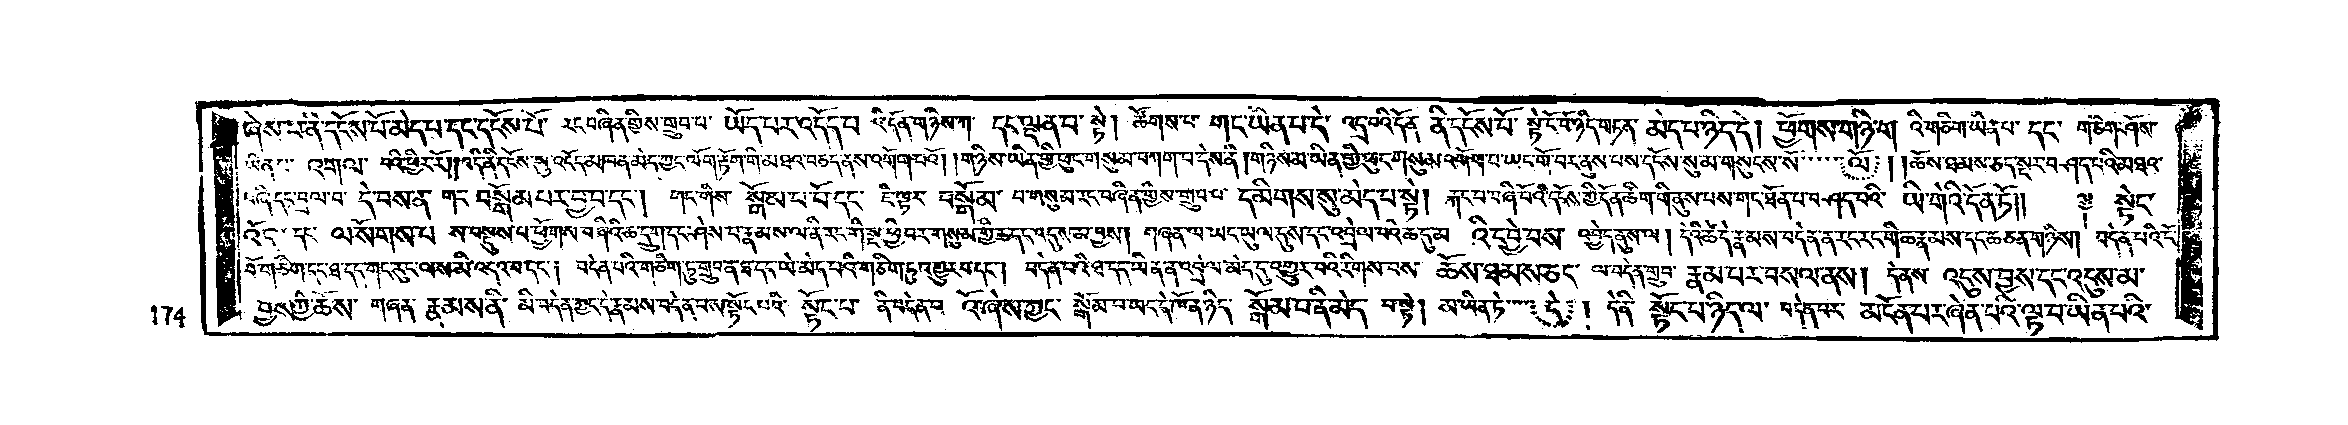ཞེས་པ་ནི་དངོས་པོ་མེད་པ་དང་དངོས་པོ་རང་བཞིན་གྱིས་གྲུབ་པ་ཡོད་པར་འདོད་པའི་དོན་གཉིས་ཀ་དང་ལྡན་པ་སྟེ། ཚོགས་པ་གང་ཡིན་པ་དེ་འདྲ་བའི་དོན་ནི་དངོས་པོ་སྟེ་ངོ་བོ་ཉིད་གཏན་མེད་པ་ཉིད་དེ། ཕྱོགས་གཉི་གའི་གཅིག་ཡིན་པ་དང་གཅིག་ཤོས་
ཡིན་པ་འགལ་བའི་ཕྱིར་རོ། །འདི་ནི་དངོས་སུ་འདོད་མཁན་མེད་ཀྱང་ལོག་རྟོག་གི་མཐའ་བཅད་ནས་འགོག་པའོ། །གཉིས་ཡིན་གྱི་ཕུང་གསུམ་བཀག་པ་དེས་ནི། གཉིས་མ་ཡིན་གྱི་ཕུང་གསུམ་འགོག་པ་ཡང་གོ་བར་ནུས་པས་དངོས་སུ་མ་གསུངས་སོ་ལོ། །ཆོས་ཐམས་ཅད་སྔར་བཤད་པའི་མཐའ་
བཞི་དང་བྲལ་བ་དེ་བས་ན་གང་བསྒོམ་པར་བྱ་བ་དང་། གང་གིས་སྒོམ་པ་པོ་དང་ཇི་ལྟར་བསྒོམ་པ་གསུམ་རང་བཞིན་གྱིས་གྲུབ་པ་དམིགས་སུ་མེད་པ་སྟེ། རྐང་པ་བཞི་པོའི་དངོས་ཀྱི་དོན་ཚིག་གི་ནུས་པས་གང་ཐོན་པ་བཤད་པའི་ཡི་གེའི་དོན་ཏོ།། ༈ སྟེང་
འོད་དང་ལ་སོགས་པ་ས་བསྡུས་པ་ཕྱོགས་བཞིའི་ཆ་དྲུག་དང་ཤེས་པ་རྣམས་ལ་ནི་རང་གི་སྔ་ཕྱི་བར་གསུམ་གྱི་ཆ་དང་འདུས་མ་བྱས། གཞན་ལ་ཡང་ཡུལ་དུས་དང་འབྲེལ་བའི་ཆ་དུ་མའི་དབྱེ་བས་འབྱེད་ནུས་ལ། དེའི་ཚེ་དེ་རྣམས་བདེན་ན་རང་རང་གི་ཆ་རྣམས་དང་ཆ་ཅན་གཉིས། བདེན་པའི་ངོ་
བོ་གཅིག་དང་ཐ་དད་གང་རུང་ལས་མི་འདའ་བ་དང་། བདེན་པའི་གཅིག་ཏུ་གྲུབ་ན་ཐ་དང་ཡེ་མེད་པའི་གཅིག་ཏུ་འགྱུར་བ་དང་། བདེན་པའི་ཐ་དད་ཡིན་ན་འབྲེལ་མེད་དུ་འགྱུར་བའི་རིགས་པས་ཆོས་ཐམས་ཅད་ལ་བདེན་གྲུབ་རྣམ་པར་བསལ་ནས། དེ་ནས་འདུས་བྱས་དང་འདུས་མ་
བྱས་ཀྱི་ཆོས་གཞན་རྣམས་ནི་མི་བདེན་ཀྱང་དེ་རྣམས་བདེན་པས་སྟོང་པའི་སྟོང་པ་ནི་བདེན་པ་འོ་ཞེས་ཀྱང་སྒོམ་པ་ཡང་དེ་ཁོ་ན་ཉིད་སྒོམ་པ་ནི་མེད་པ་སྟེ། མ་ཡིན་ཏེ་དེ། དེ་ནི་སྟོང་པ་ཉིད་ལ་བདེན་པར་མངོན་པར་ཞེན་པའི་ལྟ་བ་ཡིན་པའི་